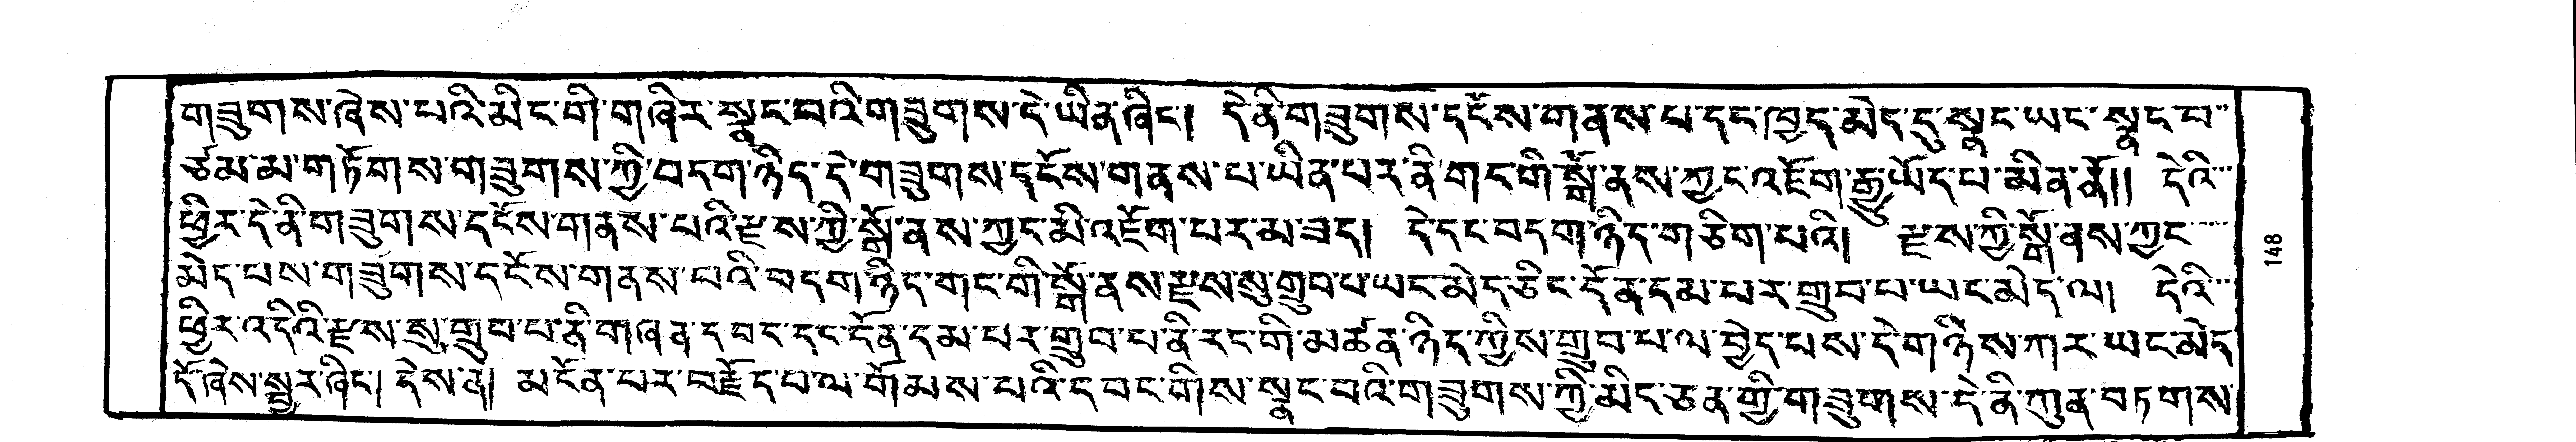གཟུགས་ཞེས་པའི་མིང་གི་གཞིར་སྣང་བའི་གཟུགས་དེ་ཡིན་ཞིང་། དེ་ནི་གཟུགས་དངོས་གནས་པ་དང་ཁྱད་མེད་དུ་སྣང་ཡང་སྣང་བ་
ཙམ་མ་གཏོགས་གཟུགས་ཀྱི་བདག་ཉིད་དེ་གཟུགས་དངོས་གནས་པ་ཡིན་པར་ནི་གང་གི་སྒོ་ནས་ཀྱང་འཇོག་རྒྱུ་ཡོད་པ་མིན་ནོ། །དེའི་
ཕྱིར་དེ་ནི་གཟུགས་དངོས་གནས་པའི་རྫས་ཀྱི་སྒོ་ནས་ཀྱང་མི་འཇོག་པར་མ་ཟད། དེ་དང་བདག་ཉིད་གཅིག་པའི། རྫས་ཀྱི་སྒོ་ནས་ཀྱང་
མེད་པས་གཟུགས་དངོས་གནས་པའི་བདག་ཉིད་གང་གི་སྒོ་ནས་རྫས་སུ་གྲུབ་པ་ཡང་མེད་ཅིང་དོན་དམ་པར་གྲུབ་པ་ཡང་མེད་ལ། དེའི་
ཕྱིར་འདིའི་རྫས་སུ་གྲུབ་པ་ནི་གཞན་དབང་དང་དོན་དམ་པར་གྲུབ་པ་ནི་རང་གི་མཚན་ཉིད་ཀྱིས་གྲུབ་པ་ལ་བྱེད་པས་དེ་གཉིས་ཀར་ཡང་མེད་
དོ་ཞེས་སྦྱར་ཞིང་། དེས་ན། མངོན་པར་བརྗོད་པ་ལ་གོམས་པའི་དབང་གིས་སྣང་བའི་གཟུགས་ཀྱི་མིང་ཅན་གྱི་གཟུགས་དེ་ནི་ཀུན་བཏགས་